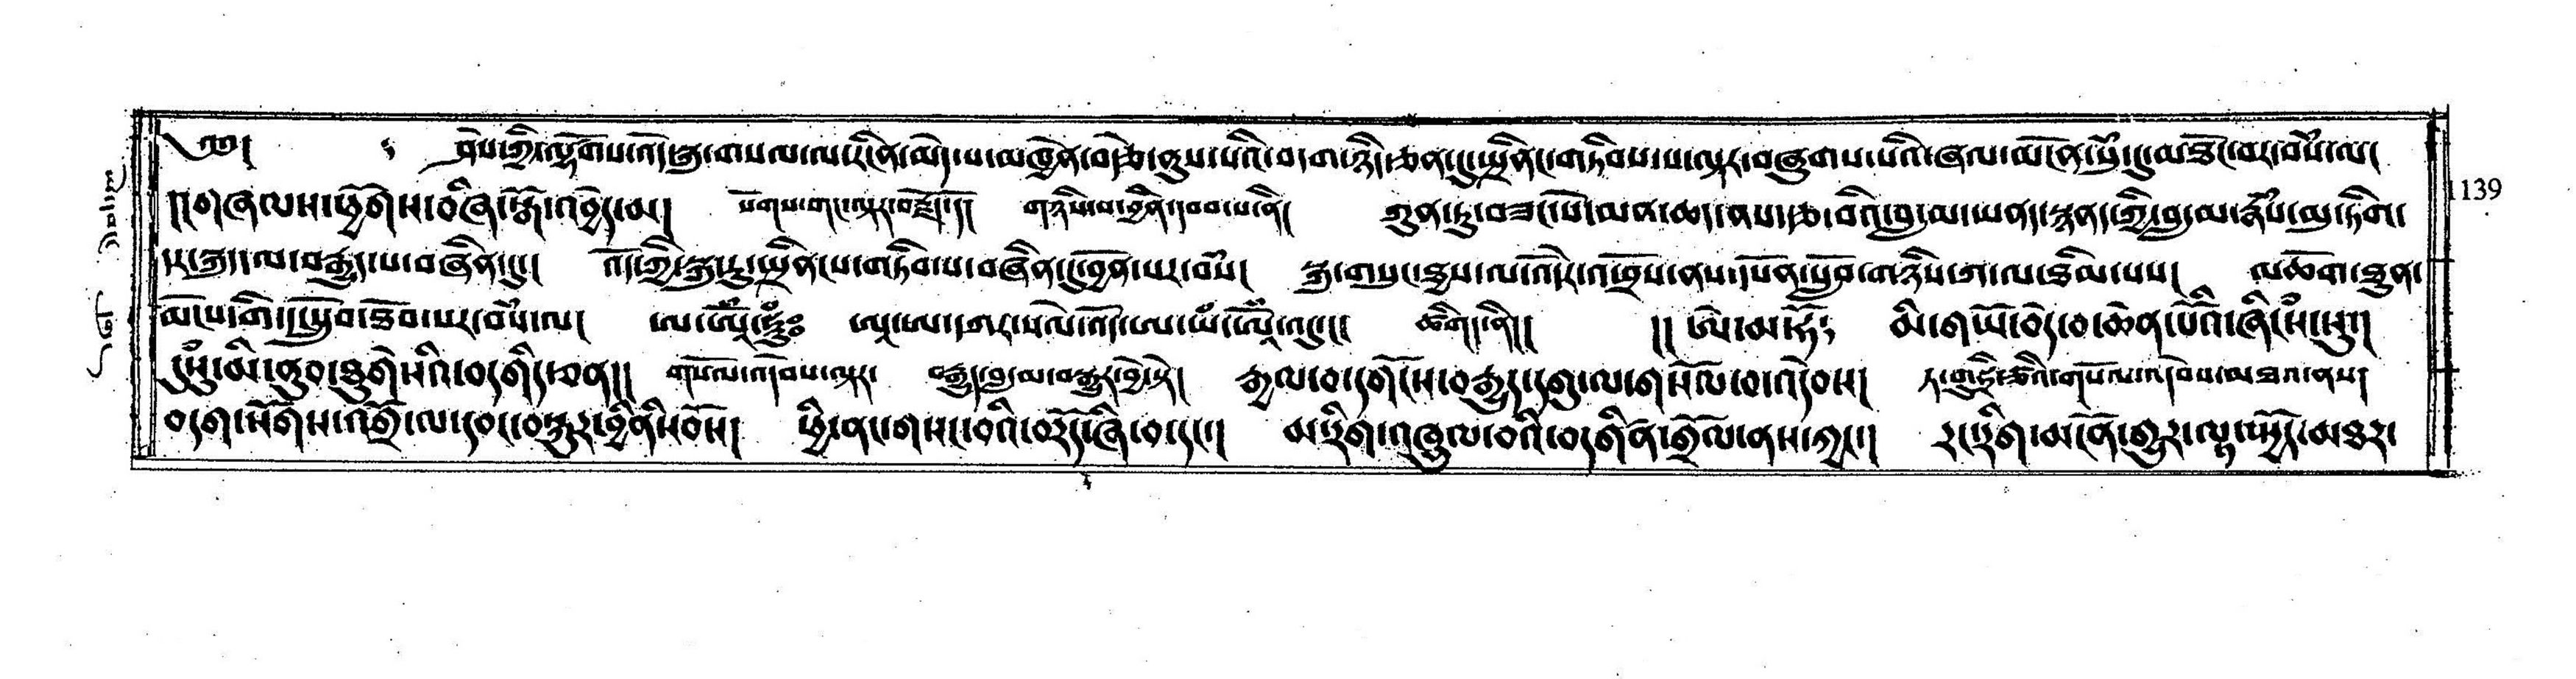ཤེས་ཀྱི་ལྷ་ཚོགས་འོད་སྐུ་གསལ་ལ་རང་བཞིན་མེད་པ་མཁྱེན་བརྩེ་ནུས་པའི་བདག་ཉིད་ཅན་དུ་སྤྲིན་ཕུང་གཏིབས་པ་ལྟར་བཞུགས་པའི་ཞལ་མངོན་སུམ་དུ་མཐོང་བར་བསམ་ལ། 
།།གཞལ་ཡས་ཕྱོགས་བཞི་སྒོ་འབྱེད་མ། སོགས་གང་ལྟར་བརྗོད་དོ། གཉིས་པ་བྱིན་དབབ་པ་ནི། ཀུན་ཏུ་བཟང་པོ་མན་ཆད་ནས་རྩ་བའི་བླ་མ་ཡན་ཆད་སྙན་རྒྱུད་ཀྱི་བླ་མ་རྣམས་མུ་ཏིག་
དར་སྐུད་ལ་བརྒྱུད་པ་བཞིན་དུ། འོད་ཀྱི་སྐུ་རུ་སྤྲིན་ཕུངས་གཏིབ་པ་བཞིན་དུ་བྱོན་པར་བསམ། སྐུ་གསུང་ཐུགས་ལ་འོད་ཟེར་འཕྲོས་ནས་དཔོན་སློབ་གཉིས་ཀ་ལ་ཐིམ་པས། མཆོག་ཐུན་
མོངས་གི་དངོས་གྲུབ་ཐོབ་པར་བསམ་ལ། ཨ་ཨཱོཾ་ཧཱུྃཿ ཨཱ་ཨ་དཀར་སལེ་འོད་ཨ་ཡཾ་ཨཱོཾ་འདུ།། ཚིག་བཤད་ནི།། །།ཨེ་མ་ཧོ མི་གཡོ་བདེ་བ་ཆེན་པོའི་ཞིང་ཁམས་སུ། 
དུས་གསུམ་མི་ནུབ་ཐུགས་རྗེའི་བདག་ཉིད་ཅན།། གསོལ་འདེབས་ལྟར། བརྒྱུད་བླ་མ་བསྒྱུར་བྱེ་སྟེ། རྒྱལ་བ་དགོངས་བརྒྱུད་དགུ་ལ་གསོལ་བ་འདེབས། ཏ་བུ་ཧྲི་ཙའི་གསོལ་འདེབས་མཐའ་ནས། 
བདག་སོགས་འགྲོ་ལ་དབང་བསྐུར་བྱིན་གྱིས་རློབས། ཕྱི་ནང་གསང་བའི་བར་ཆོད་ཞི་བ་དང་། མ་རིག་འཁྲུལ་པའི་བདག་འཛིན་གྲོལ་ནས་ཀྱང་། རང་རིག་མངོན་གྱུར་ལྟ་སྤྱོད་མཐར་